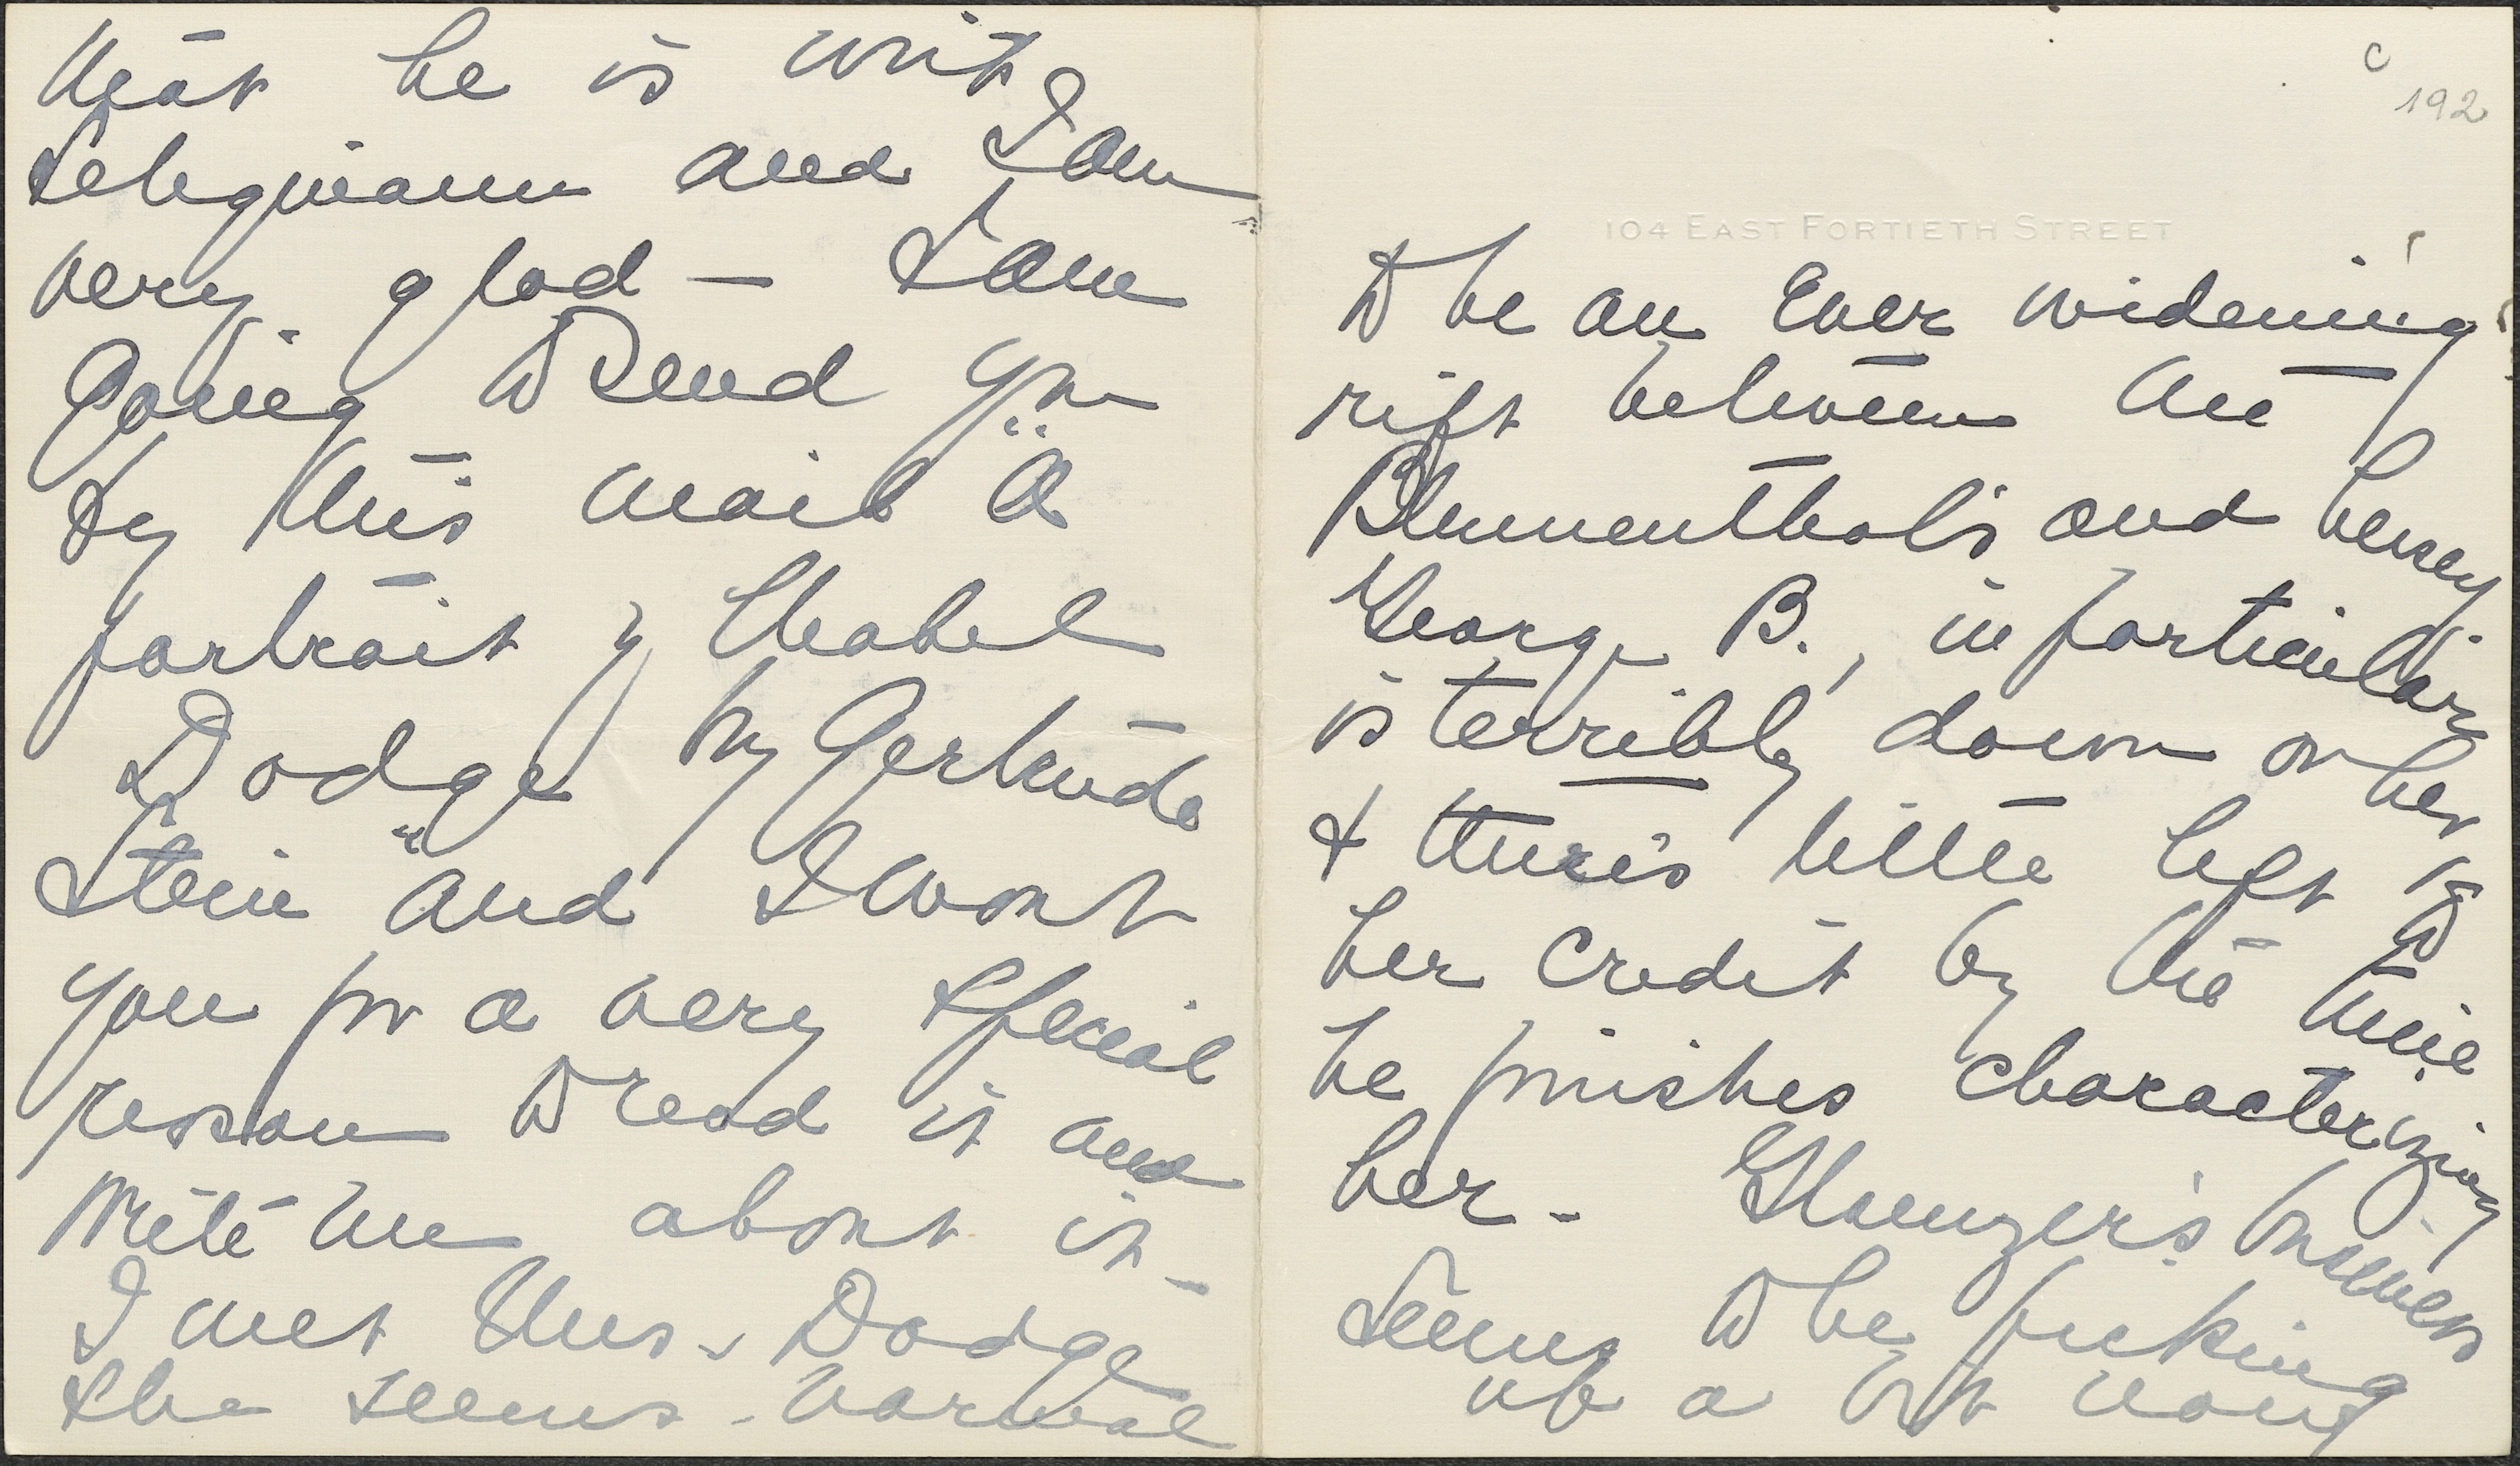to be an ever widening rift between the Blumenthal’s and herself. George B., in particular is terribly down on her & there’s little left to her credit by the time he finishes characterizing her – Glaenzer’s business seems to be picking up a but now
that he is with Seligmann and I am very glad – I am going to send you by this mail “a portrait of Mabel Dodge by Gertrude Stein” and I want you for a very special reason to read it and write me about it – I met Mrs. Dodge she seems normal